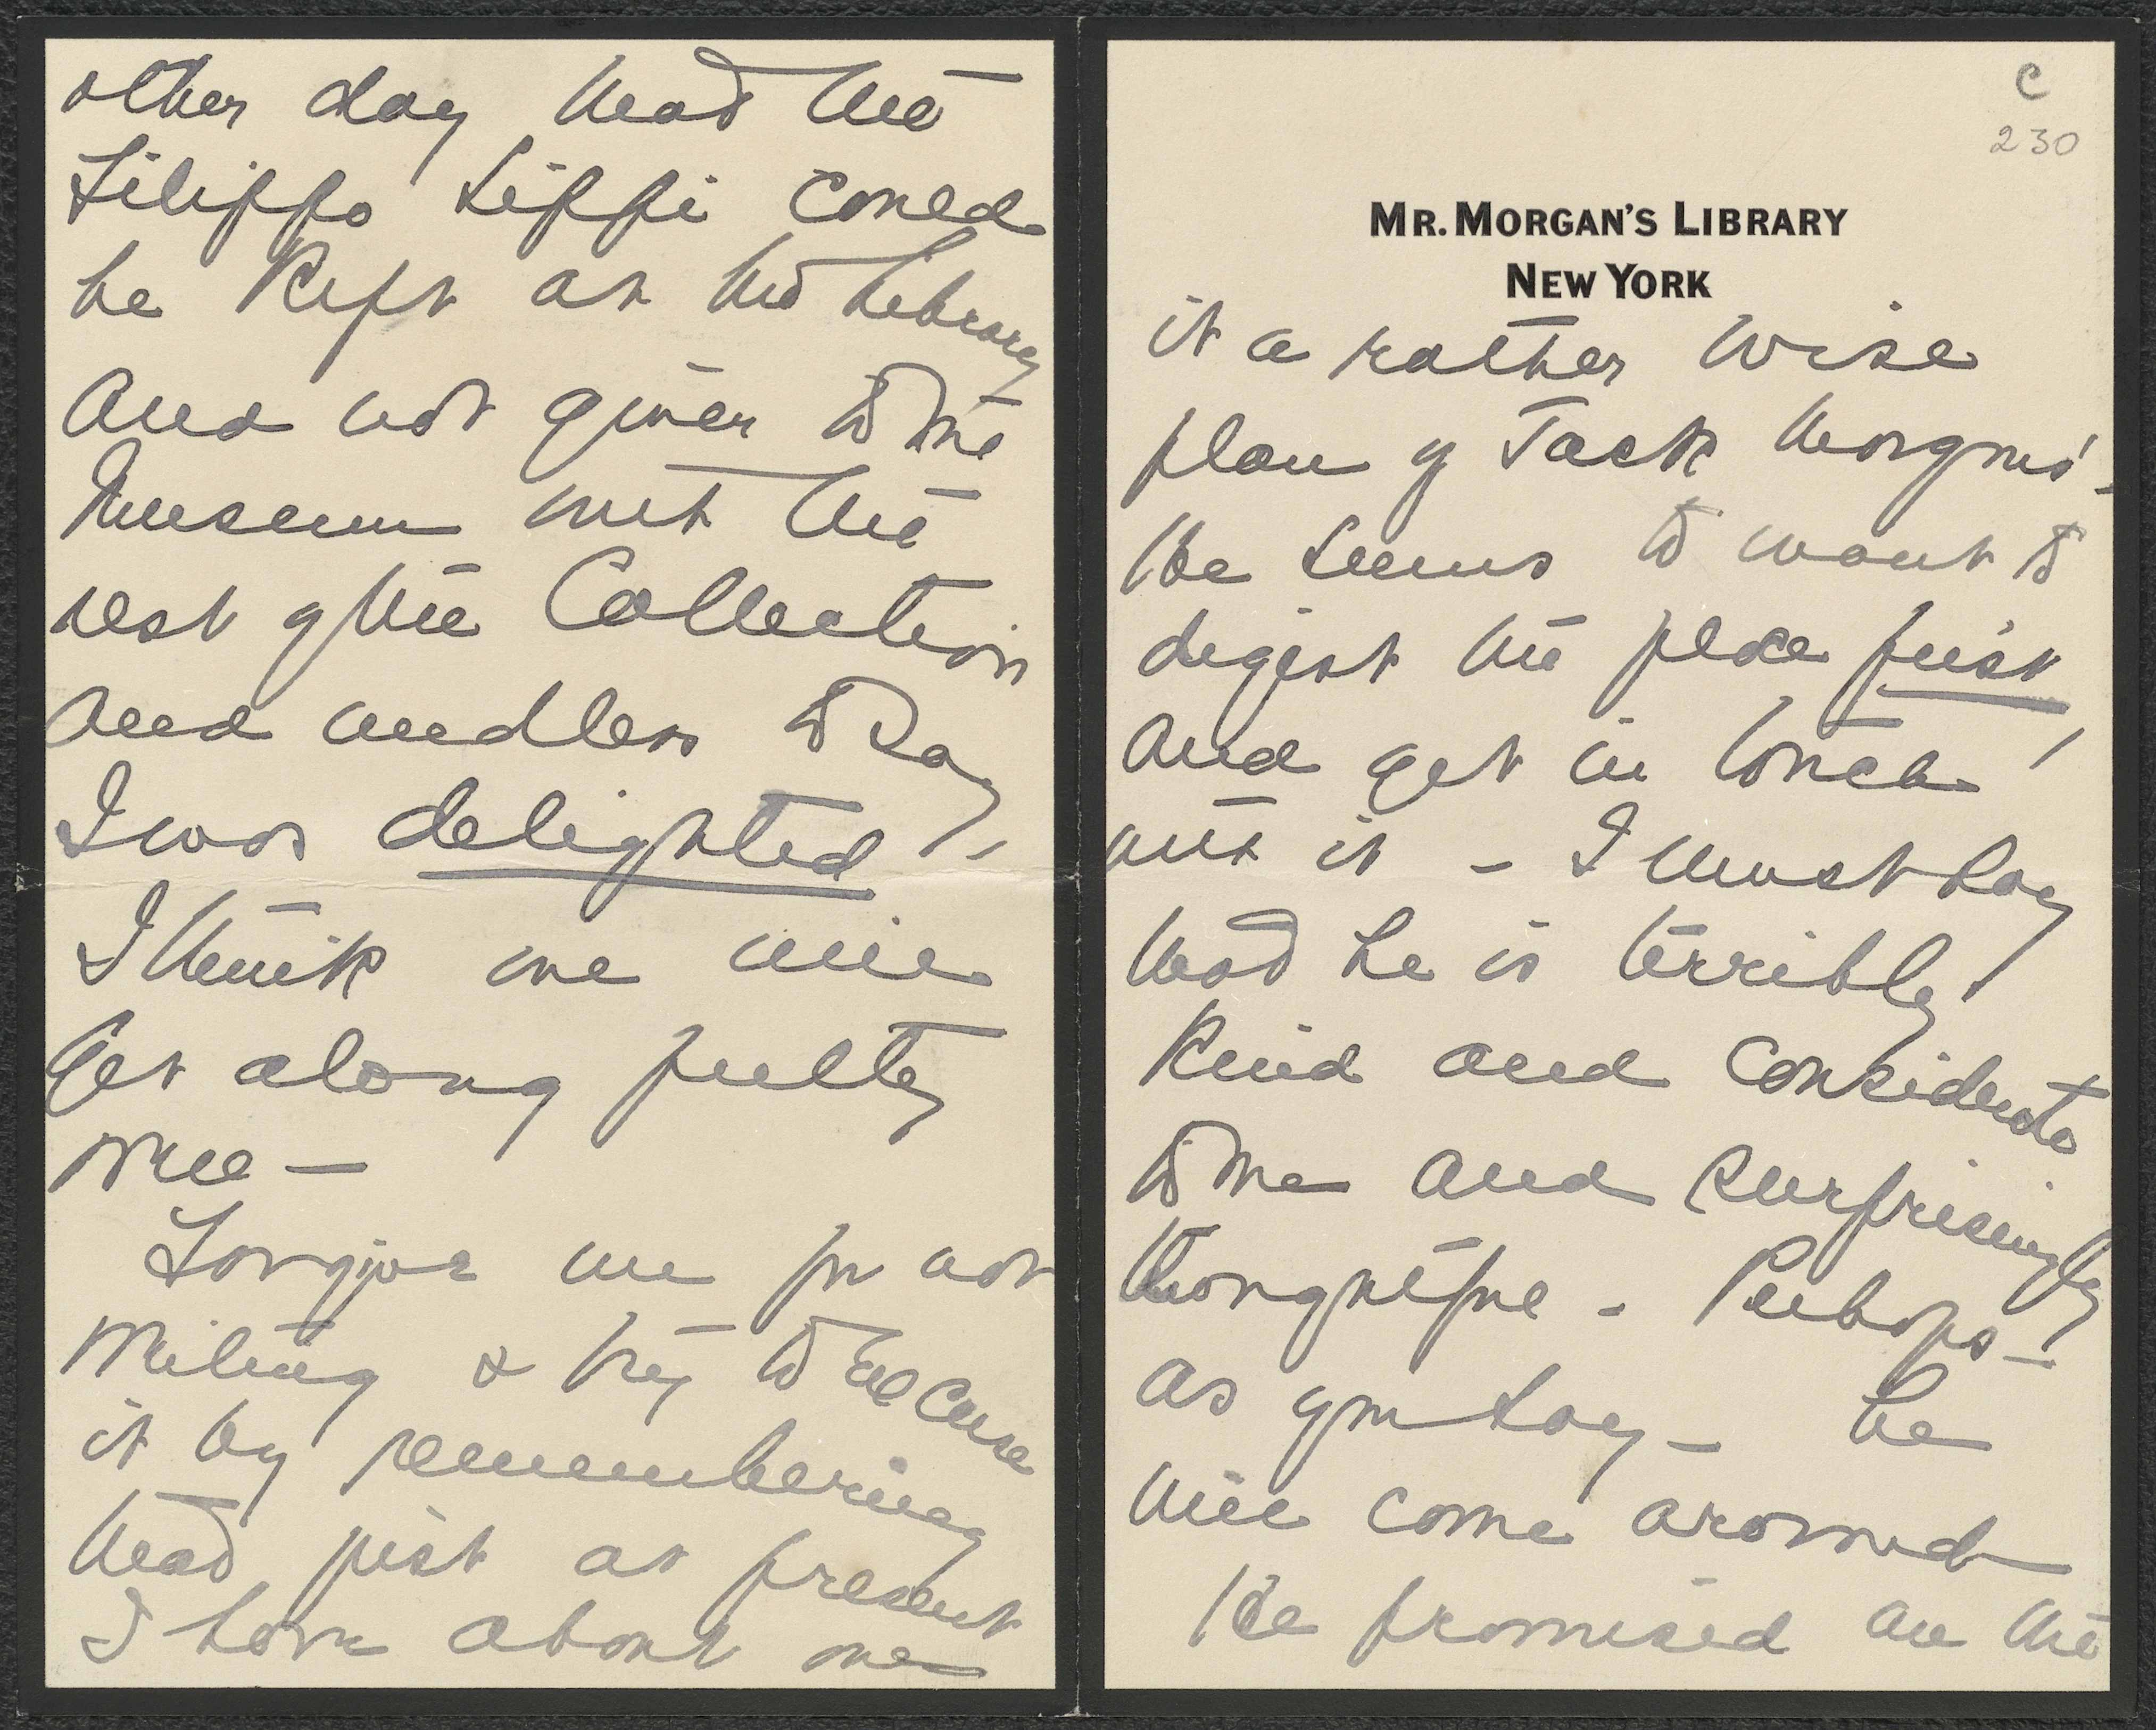it a rather wise plan of Jack Morgan’s – He seems to want to digest the place first and get in touch with it – I must say that he is terribly kind and considerate to me and surprisingly thoughtful – Perhaps – as you say – he will come around –
He promised me the
other day that the Filippo Lippi could be kept at the Library and not given to the museum with the rest of the Collection and needless to say, I was delighted. I think we will get along pretty well –
Forgive me for not writing & try to excuse it by remembering that just at present I have about one